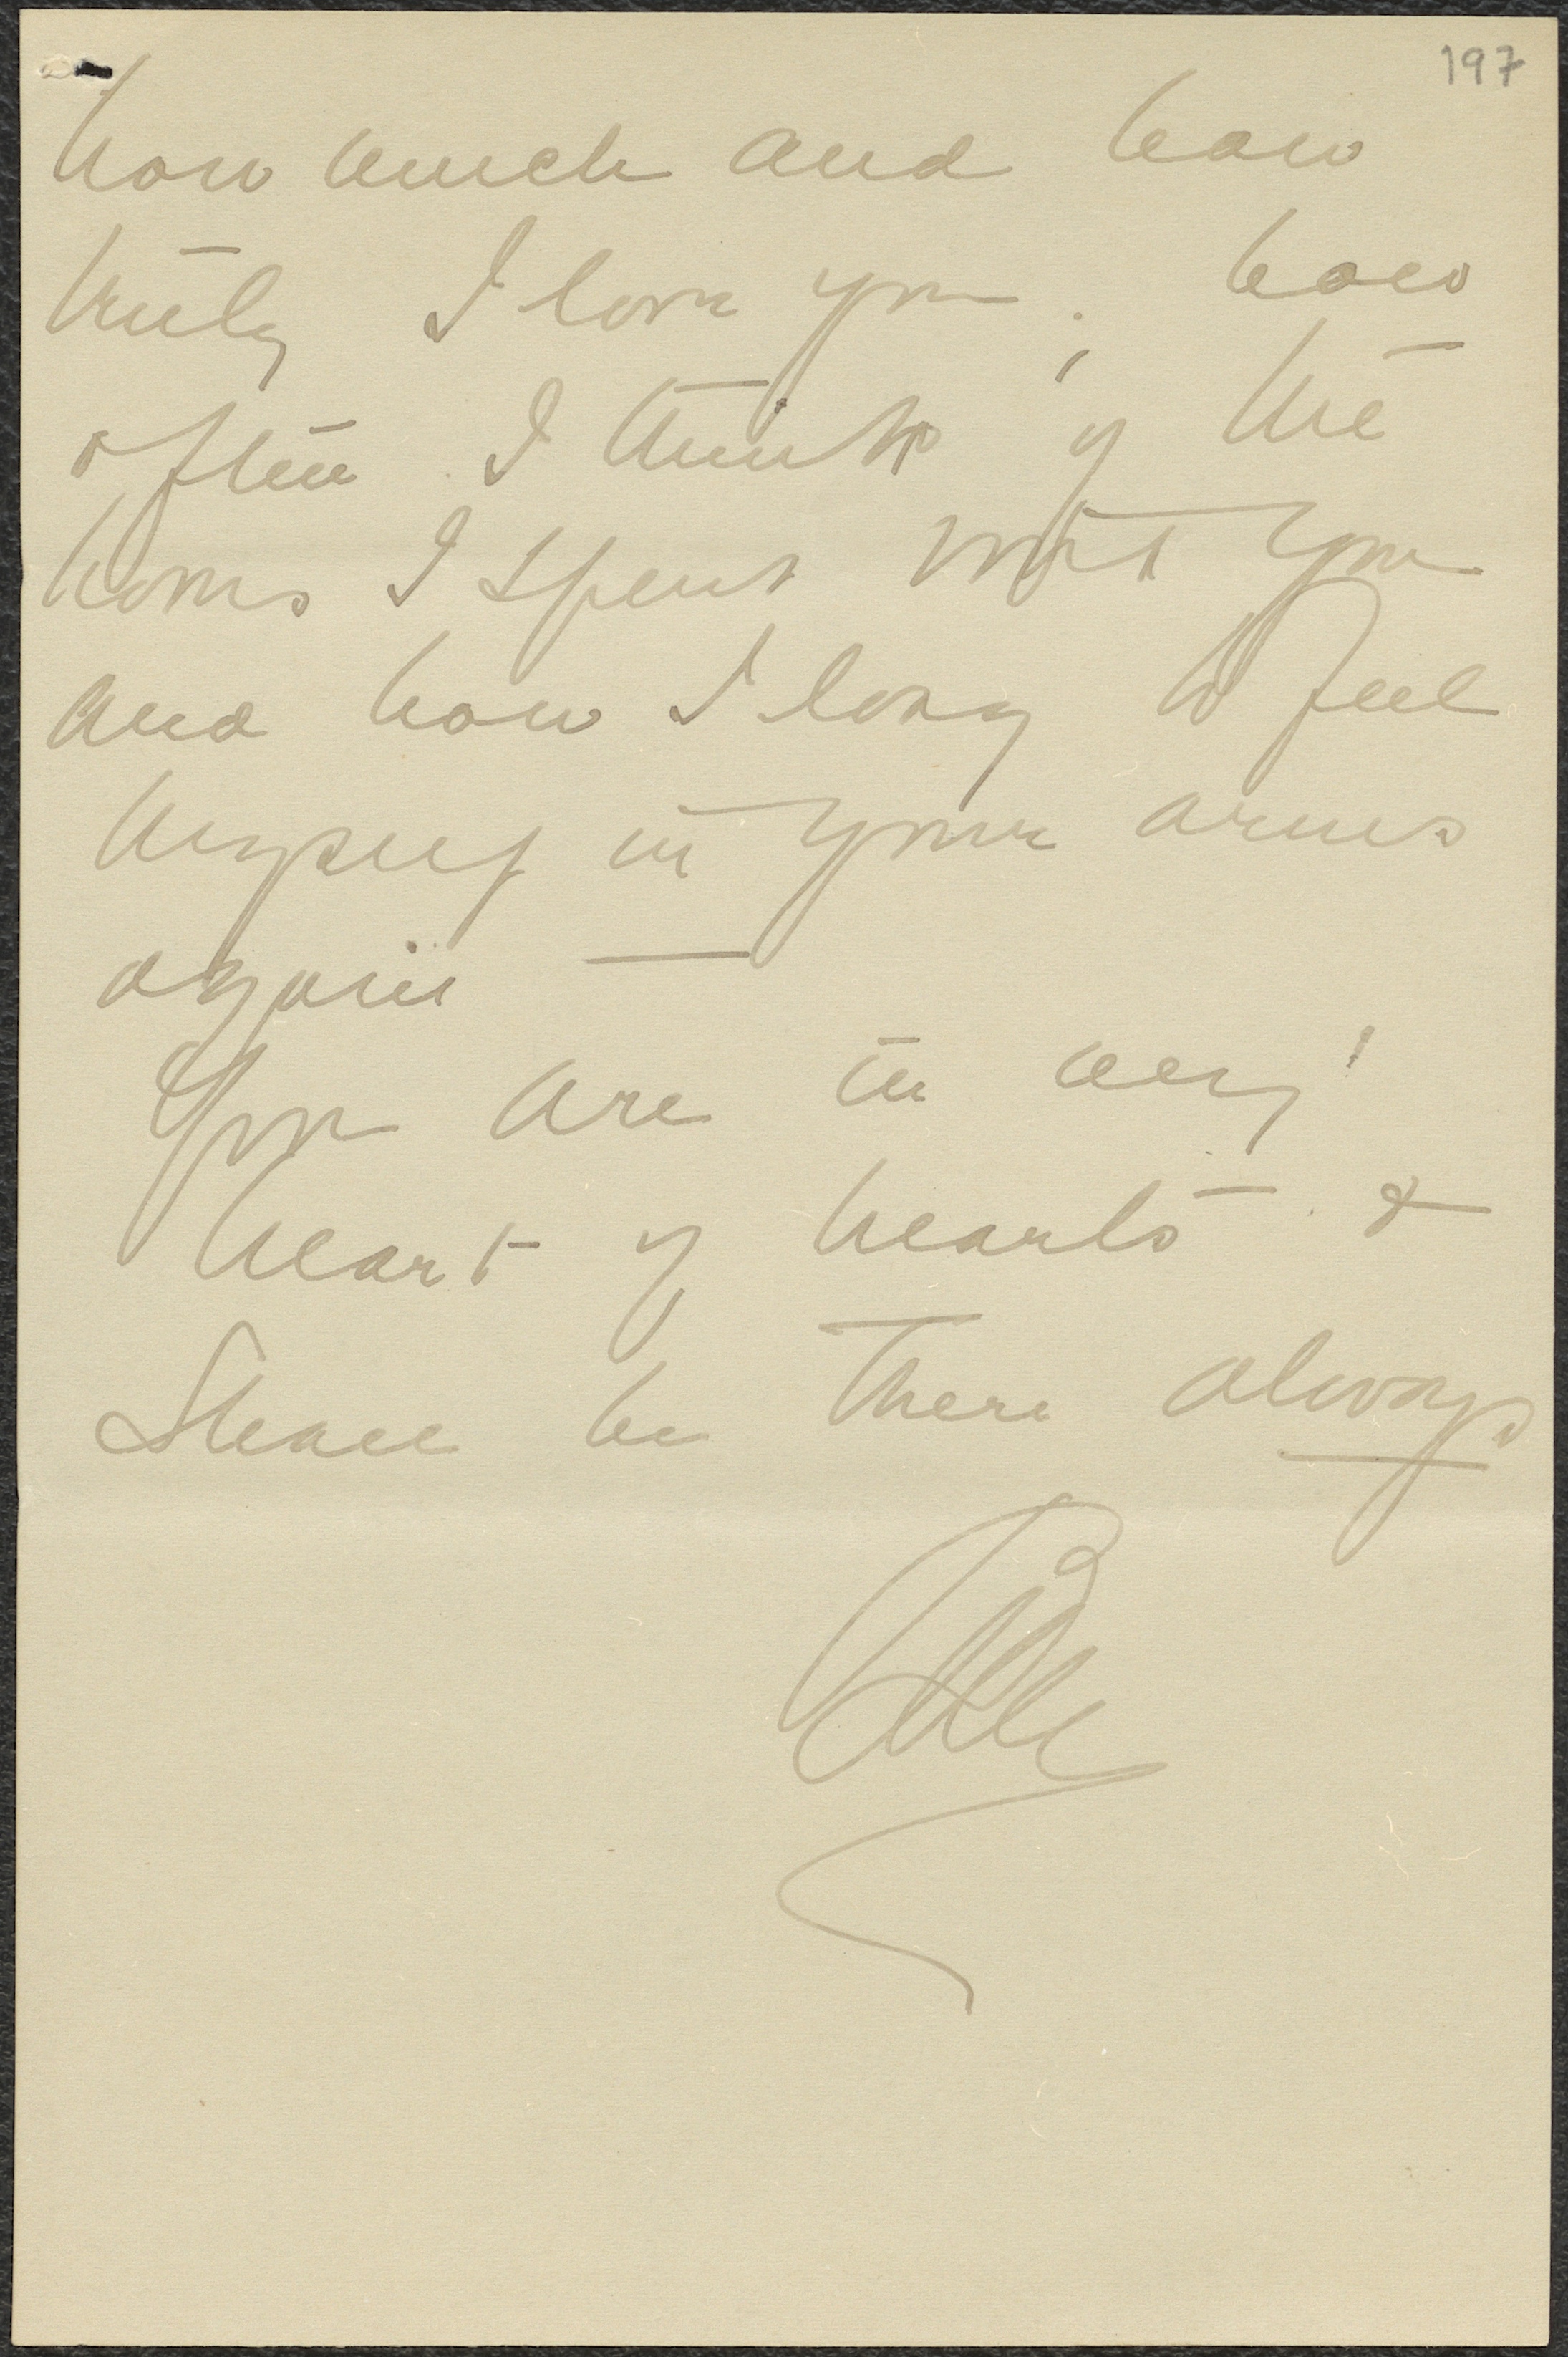how much and how truly I love you; how often I think of the hours I spent with you and how I long to feel myself in your arms again –
You are in my heart of hearts & shall be there always
Belle